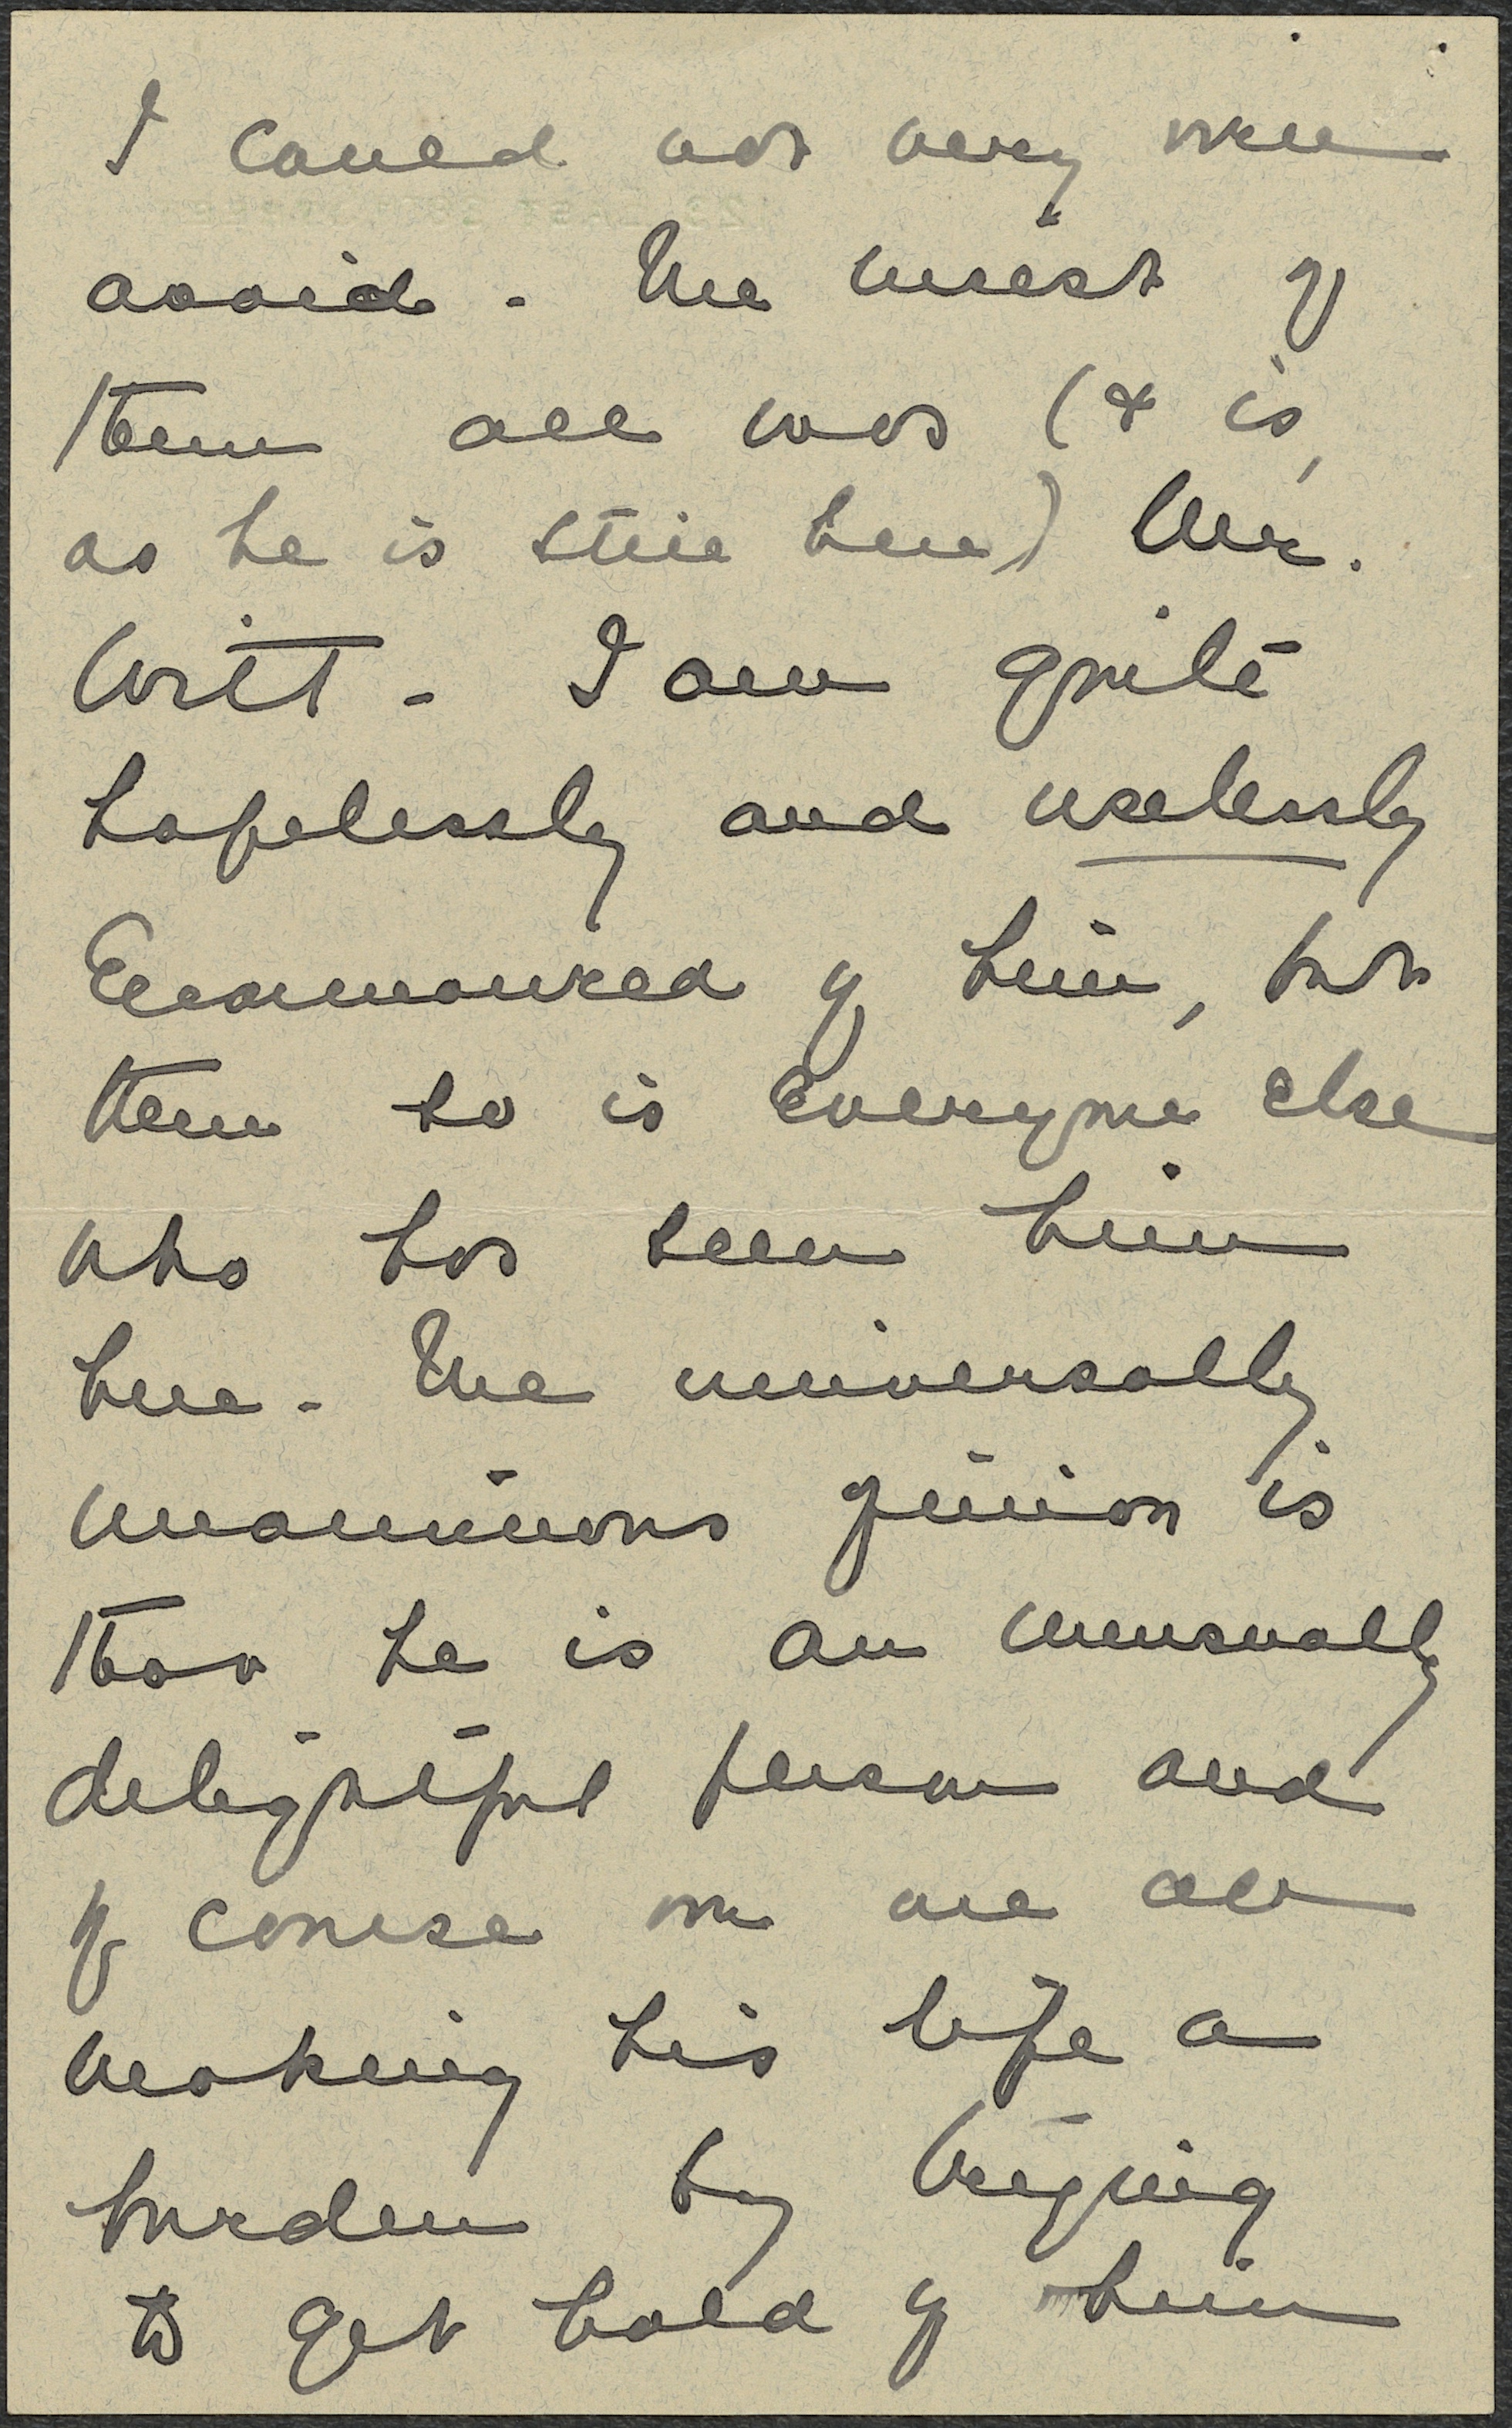I could not very well avoid. The nicest of them all was (& is, as he is still here) Mr. Witt – I am quite hopelessly and uselessly enamoured of him, but then so is everyone else who has seen him here. The universally unanimous opinion is that he is an unusually delightful person and of course we are all making his life a burden by trying to get hold of him